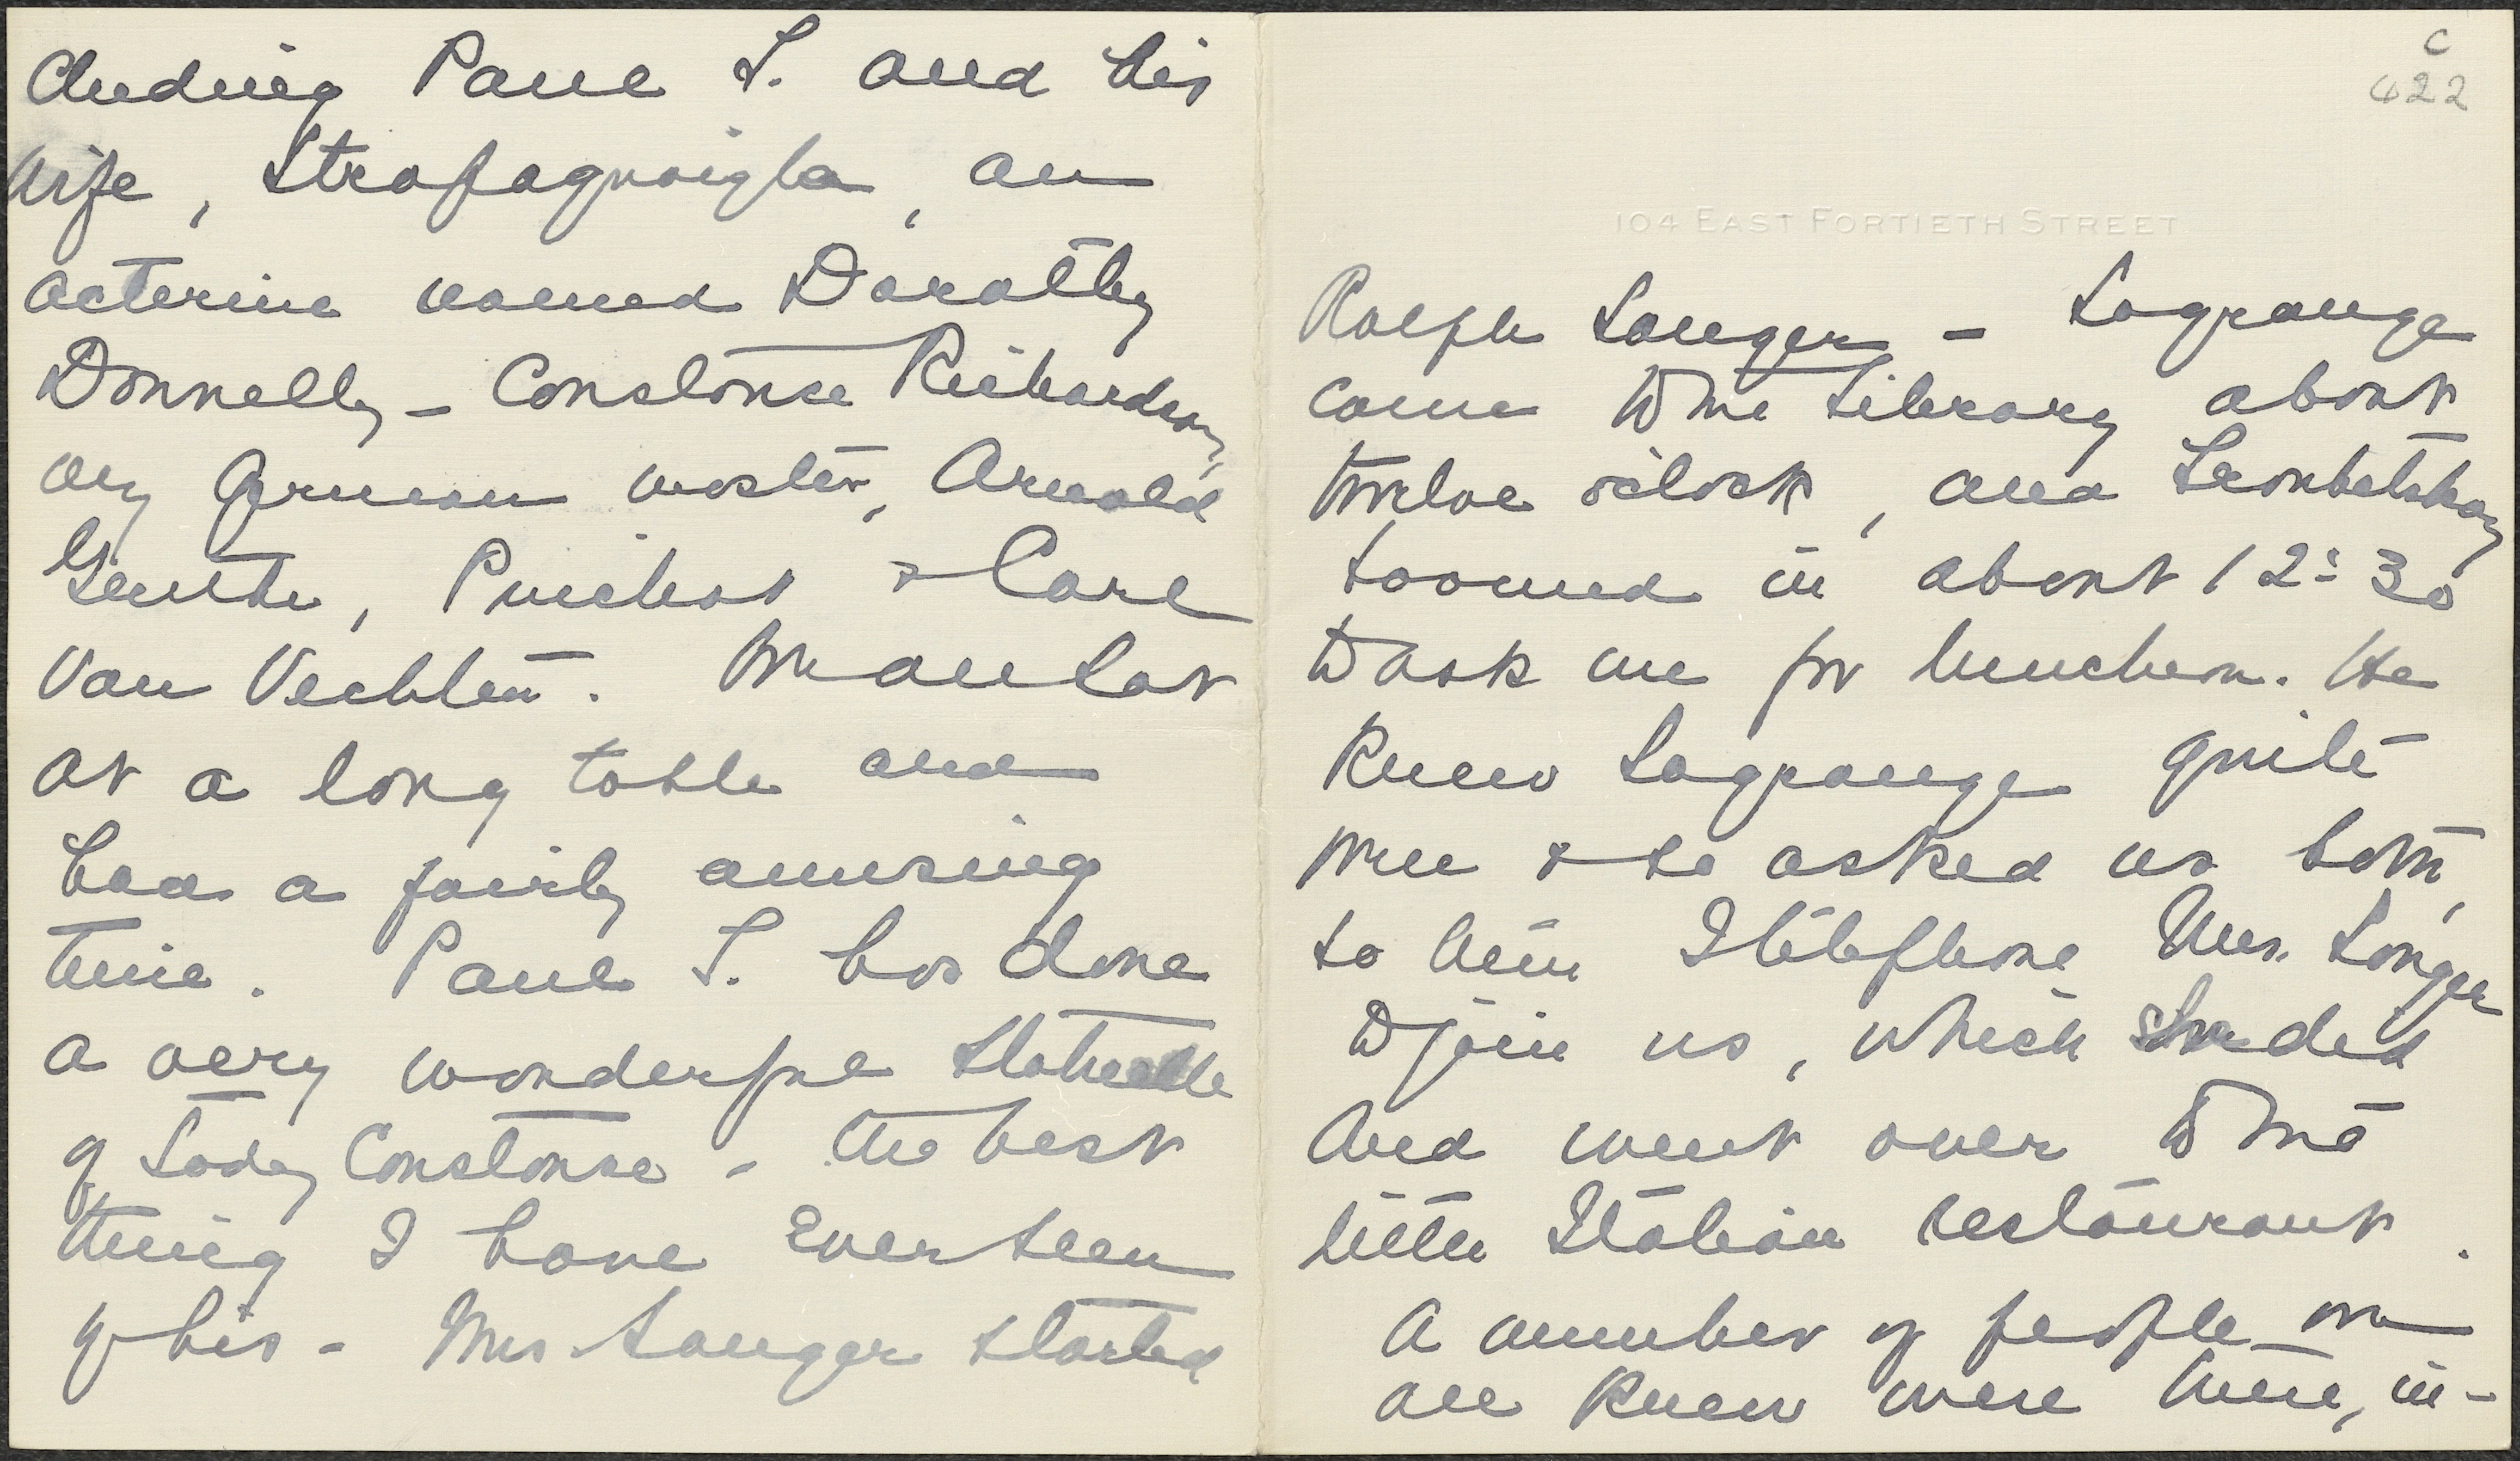Ralph Sanger – Lagrange came to the Library about twelve o’clock, and Troubetzkoy boomed in about 12:30 to ask me for luncheon. He knew Lagrange quite well & so asked us both, so then I telephone Mrs. Sanger to join us, which she did and went over to the little Italian restaurant.
A number of people we all knew were there, in-
cluding Paul T. and his wife, Strafagnaigla, an actorine named Dorothy Donnelly – Constance Richardson, my German master, Arnold Genthe, Pinchot & Carl Van Vechten. We all sat at a long table and had a fairly amusing time. Paul T. has done a very wonderful statuette of Lady Constance – the best thing I have ever seen of his – Mrs. Sanger started